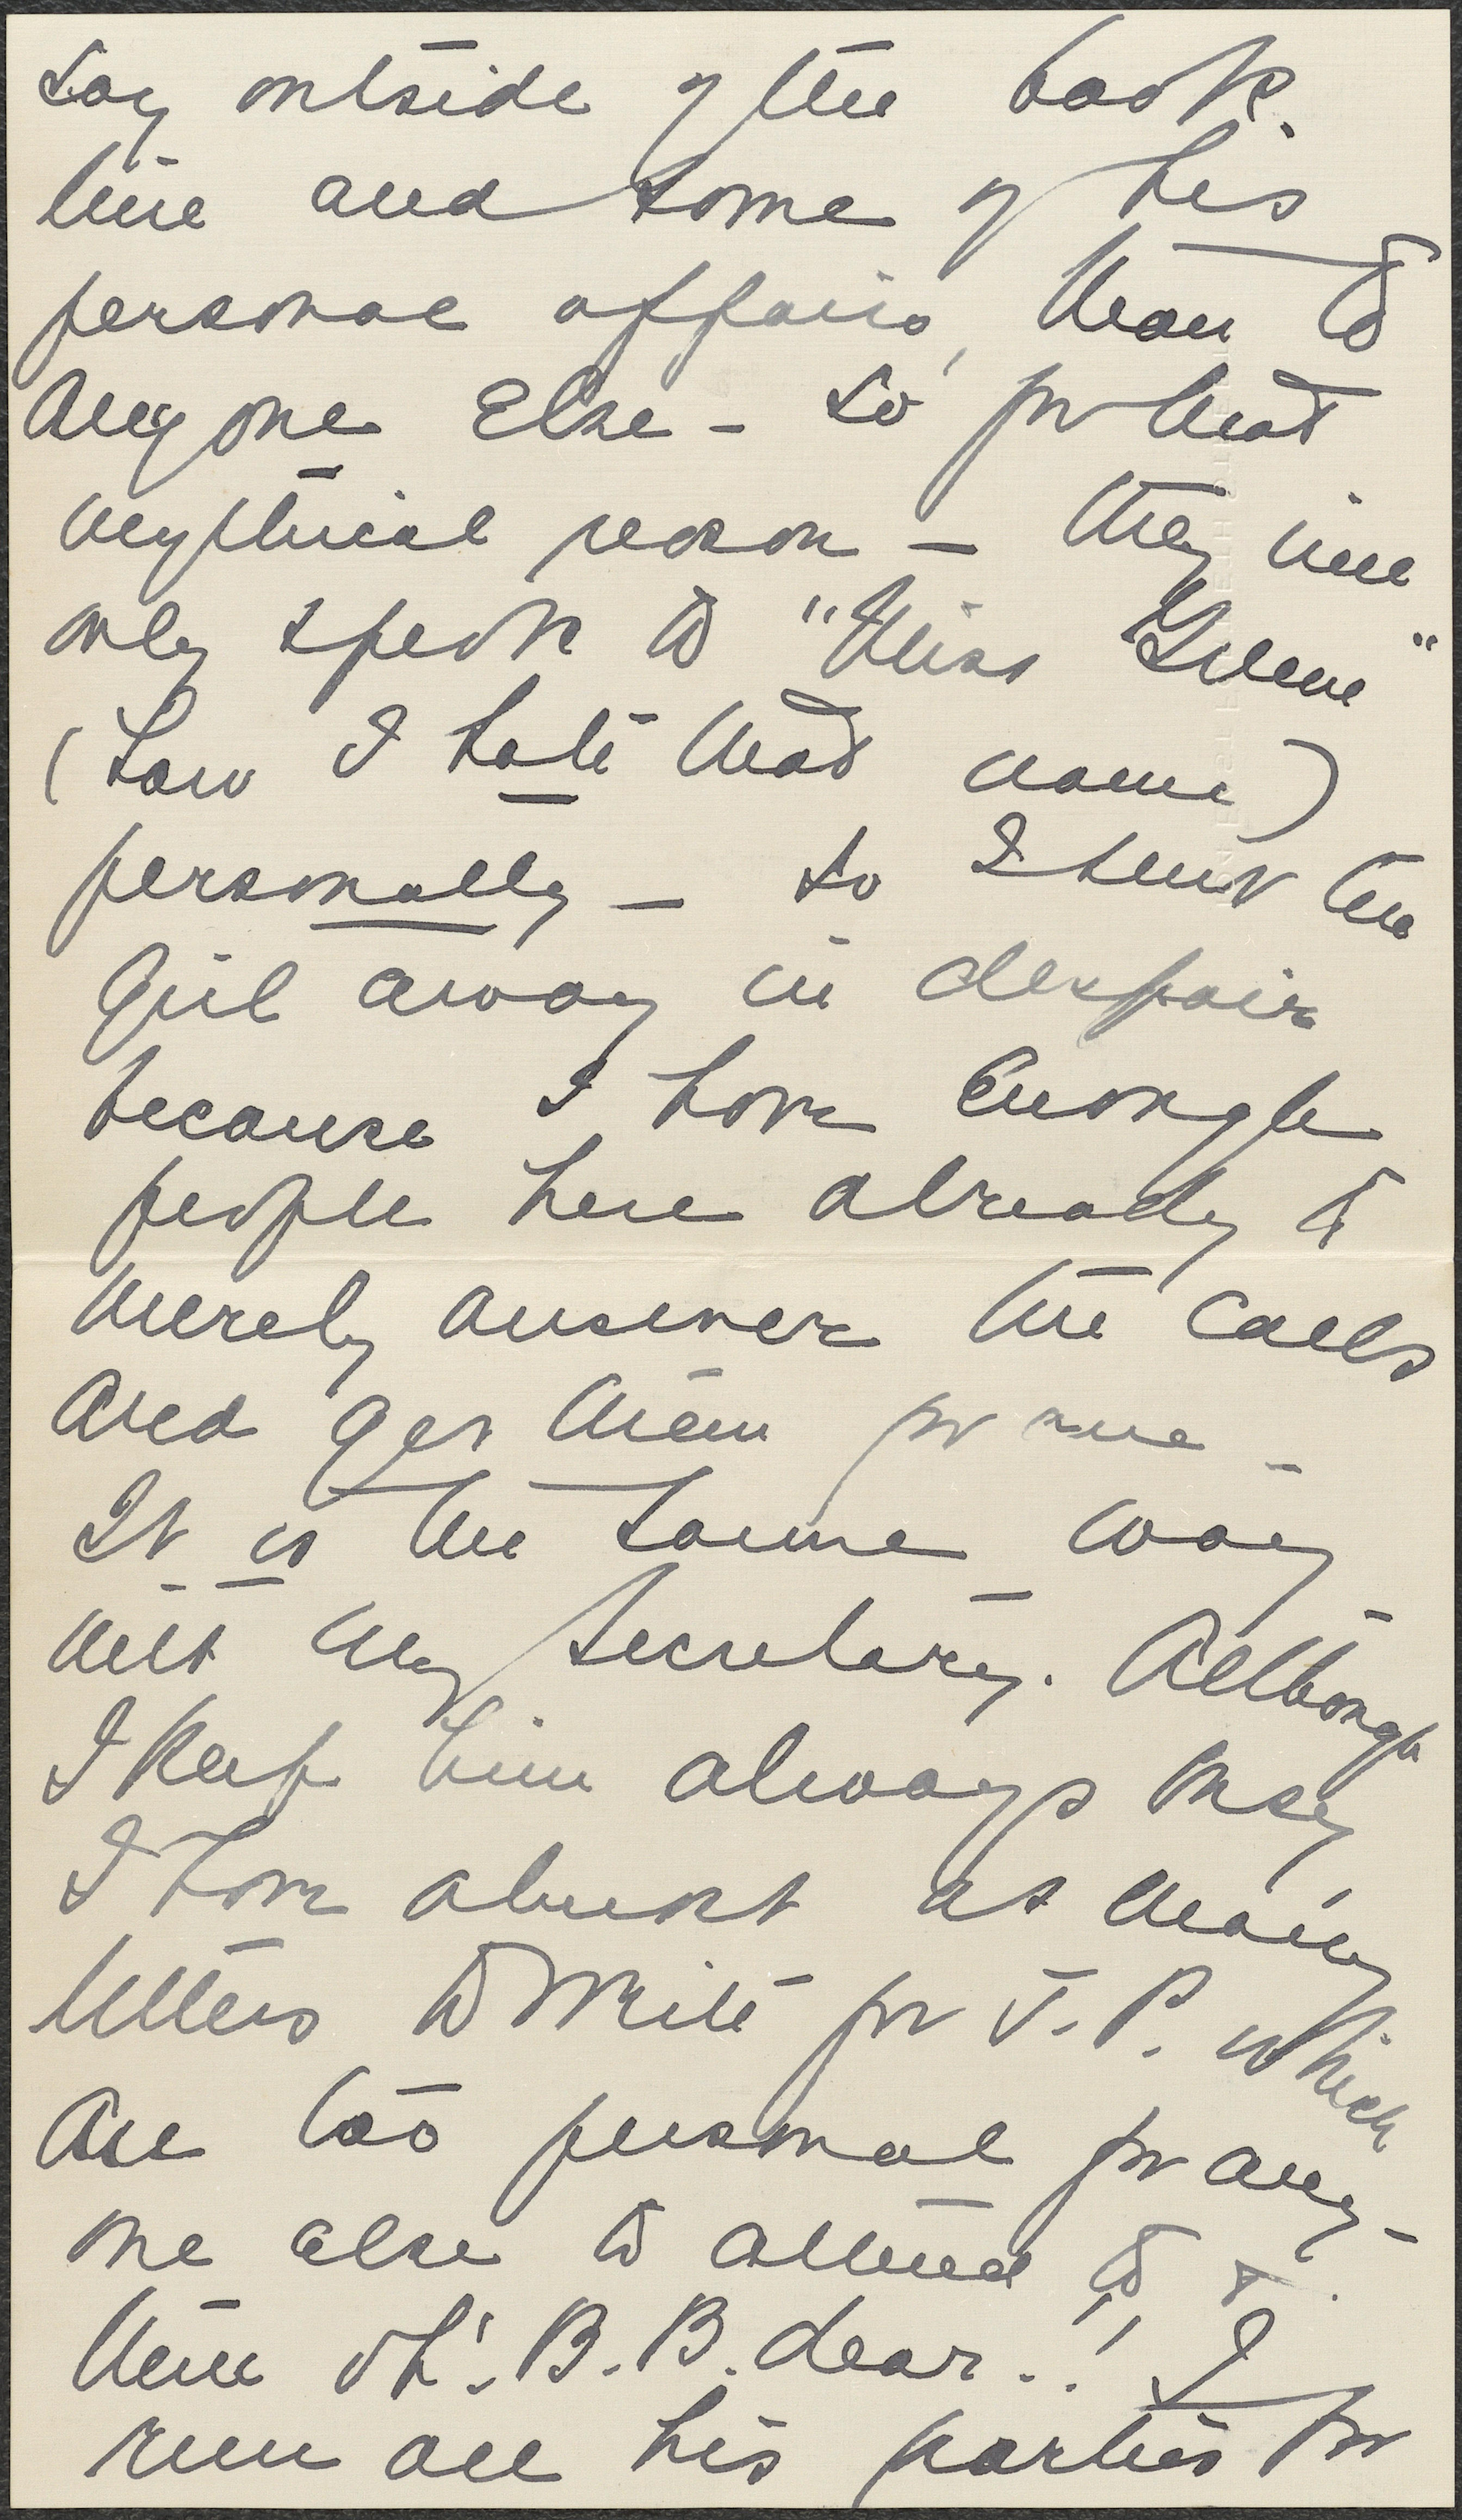say outside of the book line and some of his personal affairs, than to anyone else – so for that mythical reason – they will only speak to “Miss Greene” (how I hate that name) personally – so I sent the girl away in despair because I have enough people here already to merely answer the calls and get them for me – It is the same way with my Secretary. Although I keep him always busy, I have almost as many letters to write for J. P. which are too personal for anyone else to attend to & then oh! B. B. dear!! I run all his parties for